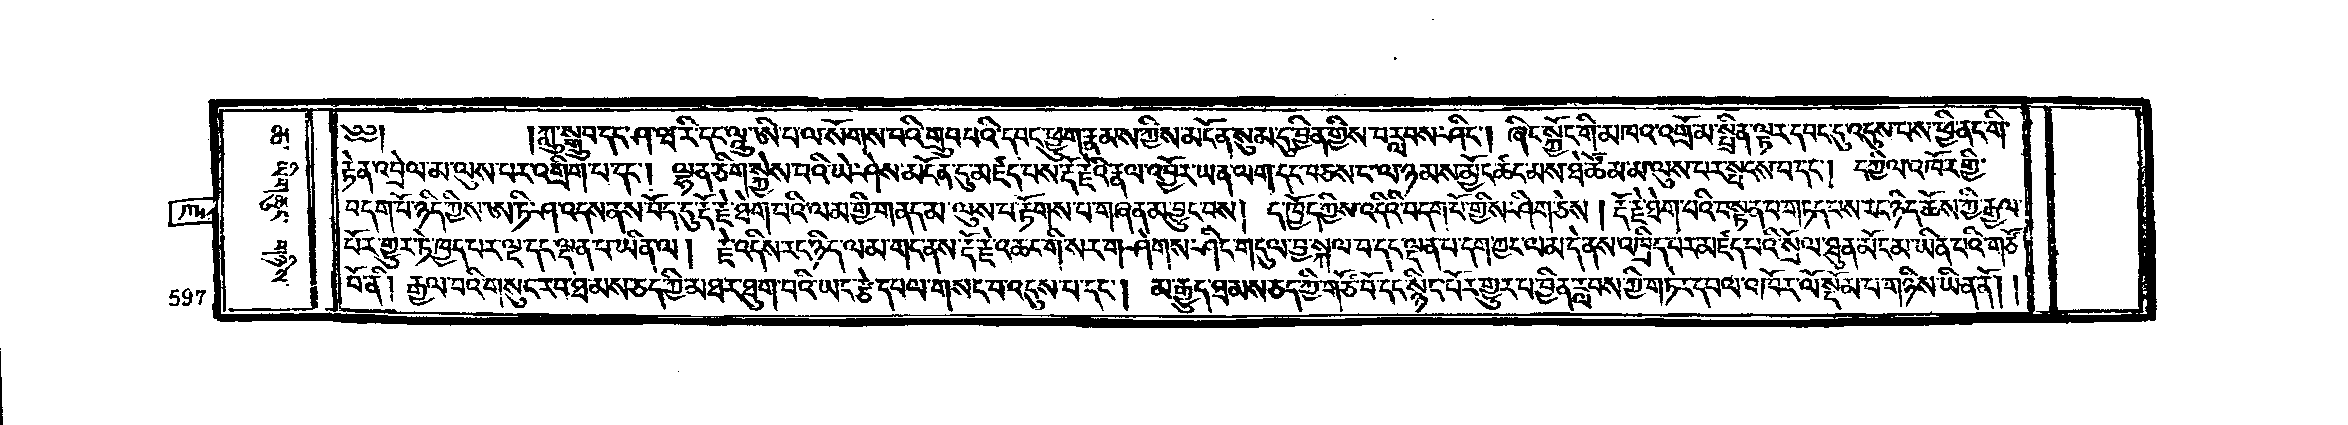༄༅། །ཀླུ་སྒྲུབ་དང་ཤ་ཝ་རི་དང་ལཱུ་ཨི་པ་ལ་སོགས་པའི་གྲུབ་པའི་དབང་ཕྱུག་རྣམས་ཀྱིས་མངོན་སུམ་དུ་བྱིན་གྱིས་བརླབས་ཤིང་། ཞིང་སྐྱོང་གི་མཁའ་འགྲོ་མ་སྤྲིན་ལྟར་དབང་དུ་འདུས་པས་ཕྱི་ནང་གི་
རྟེན་འབྲེལ་མ་ལུས་པར་འགྲིག་པ་དང་། ལྷན་ཅིག་སྐྱེས་པའི་ཡེ་ཤེས་མངོན་དུ་མཛད་པས་རྡོ་རྗེའི་རྣལ་འབྱོར་ཡན་ལག་དང་བཅས་པ་ལ་ཉམས་མྱོང་ཚད་མས་ཐེ་ཚོམ་མ་ལུས་པར་སྤངས་པ་དང་། དཀྱིལ་འཁོར་གྱི་
བདག་པོ་ཉིད་ཀྱིས་ཨ་ཏི་ཤ་འདས་ནས་བོད་དུ་རྡོ་རྗེ་ཐེག་པའི་ལམ་གྱི་གནད་མ་ལུས་པ་རྟོགས་པ་གཞན་མ་བྱུང་བས། དེ་ཁྱོད་ཀྱིས་འདིའི་བདག་པོ་གྱིས་ཤིག་ཅེས། རྡོ་རྗེ་ཐེག་པའི་བསྟན་པ་གཏད་པས་རང་ཉིད་ཆོས་ཀྱི་རྒྱལ་
པོར་གྱུར་ཏེ་ཁྱད་པར་ལྔ་དང་ལྡན་པ་ཡིན་ལ། རྗེ་འདིས་རང་ཉིད་ལམ་གང་ནས་རྡོ་རྗེ་འཆང་གི་སར་གཤེགས་ཤིང་གདུལ་བྱ་སྐལ་བ་དང་ལྡན་པ་དག་ཀྱང་ལམ་དེ་ནས་འཁྲིད་པར་མཛད་པའི་སྲོལ་ཐུན་མོང་མ་ཡིན་པའི་གཙོ་
བོ་ནི། རྒྱལ་བའི་གསུང་རབ་ཐམས་ཅད་ཀྱི་མཐར་ཐུག་པའི་ཡང་རྩེ་དཔལ་གསང་བ་འདུས་པ་དང་། མ་རྒྱུད་ཐམས་ཅད་ཀྱི་གཙོ་བོ་དང་སྙིང་པོར་གྱུར་པ་བྱིན་རླབས་ཀྱི་གཏེར་དཔལ་འཁོར་ལོ་སྡོམ་པ་གཉིས་ཡིན་ནོ། །